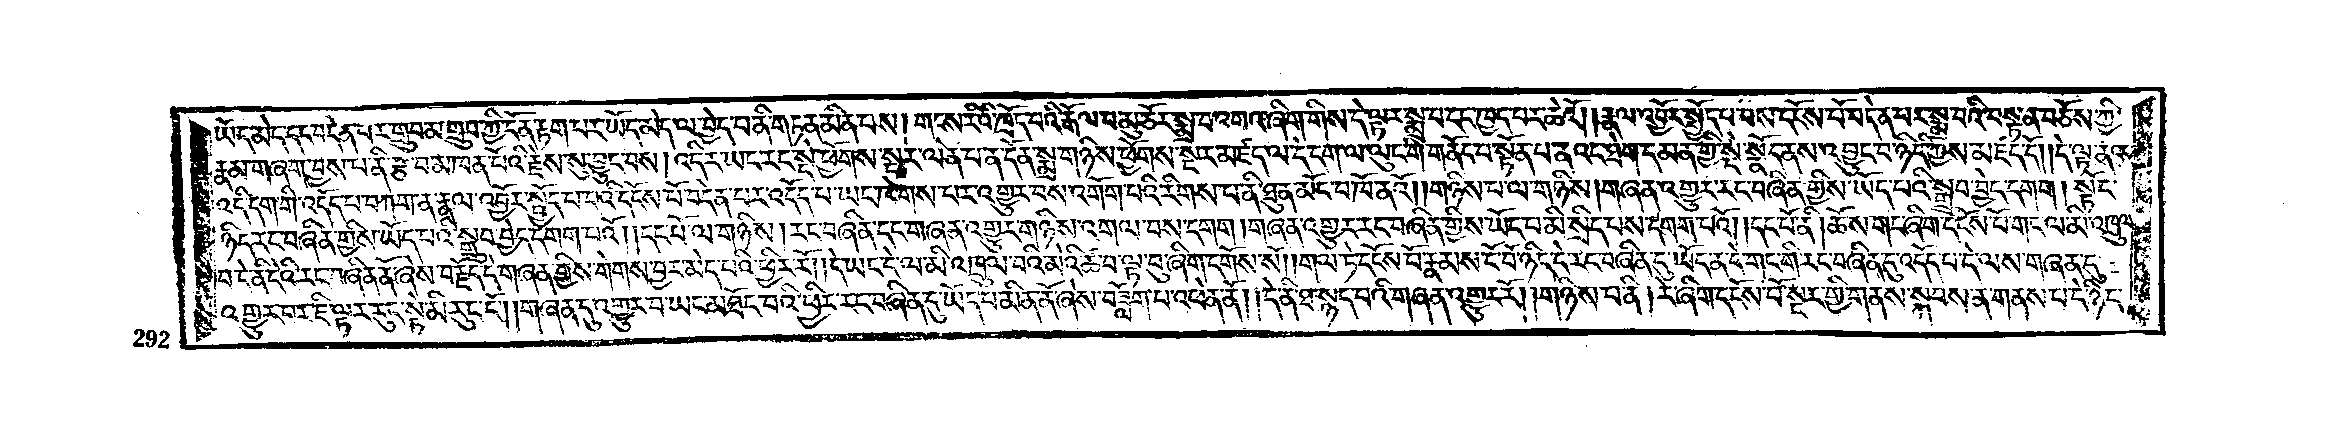ཡོད་མེད་དང་བདེན་པར་གྲུང་མ་གྲུབ་ཀྱུ་དོན་རྟག་པར་ཡོད་མེད་ལ་བྱེད་པ་ནི་གཏན་མིན་པས། གངས་རིའི་ཁྲོད་པའི་རྒོལ་བ་མུ་ཅོར་སྨྲ་བ་འགའ་ཞིག་གིས་དེ་ལྟར་སྨྲ་བ་དང་ཁྱད་པར་ཆེའོ། །རྣལ་འབྱོར་སྐྱོད་པ་བས་དངོས་པོ་བདེན་པར་སྨྲ་བའི་བསྟན་བཅོས་ཀྱི་
རྣམ་གཞག་བྱས་པ་ནི་རྩ་བ་མཁན་པོའི་རྗེས་སུ་བྱུང་བས། འདིར་ཡང་རང་སྡེ་ཕྱོགས་སྔར་ལེན་པ་ན་དོན་སྨྲ་གཉིས་ཕྱོགས་སྔར་མཛད་ལ་དེ་དག་ལ་ལུང་གི་ནོད་པ་སྟོན་པ་ནའང་ཐེག་དམན་གྱི་སྡེ་སྣོད་ནས་འབྱུང་བ་ཉིད་ཀྱིས་མཛད་དོ། །དེ་ལྟ་ནའང་
འདི་དག་གི་འདོད་པ་བཀག་ན་རྣལ་འབྱོར་སྤྱོད་པ་པའི་དངོས་པོ་བདེན་པར་འདོད་པ་ཡང་ཁེགས་པར་འགྱུར་བས་འགོག་པའི་རིགས་པ་ནི་ཐུན་མོང་པ་ཁོ་ནའོ། །གཉིས་པ་ལ་གཉིས། གཞན་འགྱུར་རང་བཞིན་གྱིས་ཡོད་པའི་སྒྲུབ་བྱེད་དགག །སྟོང་
ཉིད་རང་བཞིན་གྱིས་ཡོད་པའི་སྒྲུབ་བྱེད་དགག་པའོ། །དང་པོ་ལ་གཉིས། རང་བཞིན་དང་གཞན་འགྱུར་གཉིས་འགལ་བས་དགག ། གཞན་འགྱུར་རང་བཞིན་གྱིས་ཡོད་པ་མི་སྲིད་པས་དགག་པའོ། །དང་པོ་ནི། ཆོས་གང་ཞིག་དངོས་པོ་གང་ལ་མི་འཁྲུག་
བ་དེ་ནི་དེའི་རང་བཞིན་ནོ་ཞེས་བརྗོད་དེ་གཞན་གྱིས་གེགས་བྱར་མེད་པའི་ཕྱིར་རོ། །དེ་ཡང་དེ་ལ་མི་འཁྲུལ་བའི་མེའི་ཚ་བ་ལྟ་བུ་ཞིག་དགོས་སོ། །གལ་ཏེ་དངོས་པོ་རྣམས་ངོ་བོ་ཉིད་དེ་རང་བཞིན་དུ་ཡོད་ན་དེ་གང་གི་རང་བཞིན་དུ་འདོད་པ་དེ་ལས་གཞན་དུ་
འབྱུང་པར་ཇ་ལྟར་རུང་སྟེ་མི་རུང་ངོ། །གཞན་དུ་འགྱུར་བ་ཡང་མཐོང་བའི་ཕྱིར་རང་བཞིན་དུ་ཡོད་པ་མིན་ནོ་ཞེས་བཟློག་པ་འཕེན་ནོ། །དེ་ནི་ཐ་སྙད་པའི་གཞན་འགྱུར་རོ། །གཉིས་པ་ནི། རེ་ཞིག་དངོས་པོ་སྔར་གྱི་གནས་སྐབས་ན་གནས་པ་དེ་ཉིད་